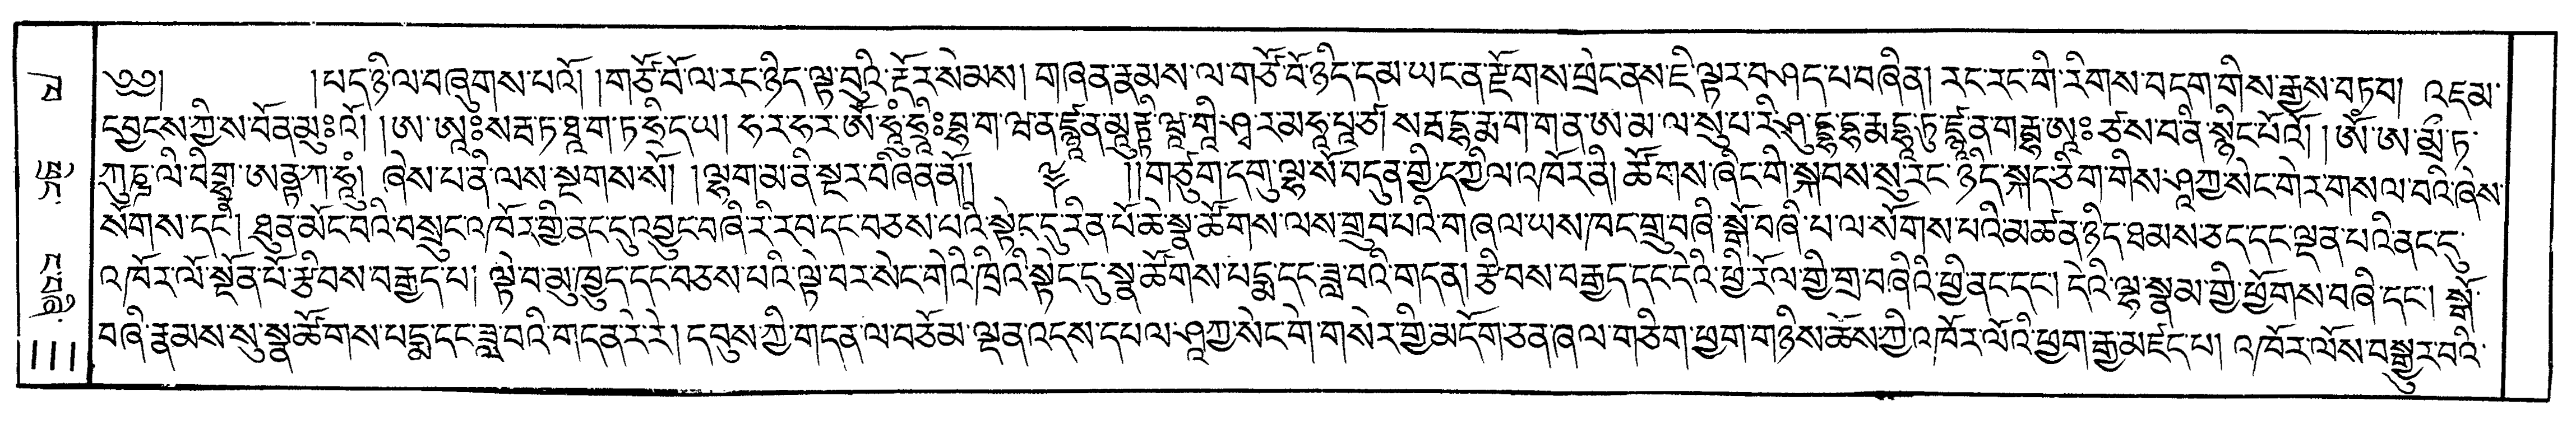༄༅། །པད་ཉི་ལ་བཞུགས་པའོ། །གཙོ་བོ་ལ་རང་ཉིད་ལྟ་བུའི་རྡོར་སེམས། གཞན་རྣམས་ལ་གཙོ་བོ་ཉིད་དམ་ཡང་ན་རྫོགས་ཕྲེང་ནས་ཇི་ལྟར་བཤད་པ་བཞིན། རང་རང་གི་རིགས་བདག་གིས་རྒྱས་བཏབ། འཇམ་
དབྱངས་ཀྱི་ས་བོན་མུཿ འོ། །ཨ་ཨཱཿ སརྦ་ཏ་ཐཱ་ག་ཏ་ཧྲི་ད་ཡ། ཧ་ར་ཧ་ར་ཨོཾ་ཧཱུཾ་ཧྲཱིཿ བྷ་ག་ཝ་ན་ཛྙཱ་ན་མཱུ་རྟྟི་ཝཱ་གཱི་ཤྭ་ར་མཧཱ་པཱ་ཙ། སརྦ་དྷ་རྨ་ག་ག་ན་ཨ་མ་ལ་སུ་པ་རི་ཤུདྡྷ་དྷ་རྨདྷཱ་ཏུ་ཛྙཱ་ན་གརྦྷ་ཨཱཿ ཙ་ས་བ་ནི་སྙིང་པོའོ། །ཨོཾ་ཨ་མྲྀ་ཏ་
ཀུཎྜ་ལི་བིགྷྣ་ཨནྟ་ཀ་ཧཱུཾ། ཞེས་པ་ནི་ལས་སྔགས་སོ། །ལྷག་མ་ནི་སྔར་བཞིན་ནོ།། ༈ །།གཙུག་དགུ་ལྷ་སོ་བདུན་གྱི་དཀྱིལ་འཁོར་ནི། ཚོགས་ཞིང་གི་སྐབས་སུ་རང་ཉིད་སྐད་ཅིག་གིས་ཤཱཀྱ་སེང་གེར་གསལ་བའི་ཞེས་
སོགས་དང་། ཐུན་མོང་བའི་བསྲུང་འཁོར་གྱི་ནང་དུ་འབྱུང་བཞི་རི་རབ་དང་བཅས་པའི་སྟེང་དུ་རིན་པོ་ཆེ་སྣ་ཚོགས་ལས་གྲུབ་པའི་གཞལ་ཡས་ཁང་གྲུ་བཞི་སྒོ་བཞི་པ་ལ་སོགས་པའི་མཚན་ཉིད་ཐམས་ཅད་དང་ལྡན་པའི་ནང་དུ་
འཁོར་ལོ་སྔོན་པོ་རྩིབས་བརྒྱད་པ། ལྟེ་བ་མུ་ཁྱུད་དང་བཅས་པའི་ལྟེ་བར་སེང་གེའི་ཁྲིའི་སྟེང་དུ་སྣ་ཚོགས་པདམ་དང་ཟླ་བའི་གདན། རྩིབས་བརྒྱད་དང་དེའི་ཕྱི་རོལ་གྱི་གྲ་བཞིའི་ཕྱི་ནང་དང་། དེའི་ལྷ་སྣམ་གྱི་ཕྱོགས་བཞི་དང་། སྒོ་
བཞི་རྣམས་སུ་སྣ་ཚོགས་པདམ་དང་ཟླ་བའི་གདན་རེ་རེ། དབུས་ཀྱི་གདན་ལ་བཅོམ་ལྡན་འདས་དཔལ་ཤཱཀྱ་སེང་གེ་གསེར་གྱི་མདོག་ཅན་ཞལ་གཅིག་ཕྱག་གཉིས་ཆོས་ཀྱི་འཁོར་ལོའི་ཕྱག་རྒྱ་མཛད་པ། འཁོར་ལོས་བསྒྱུར་བའི་